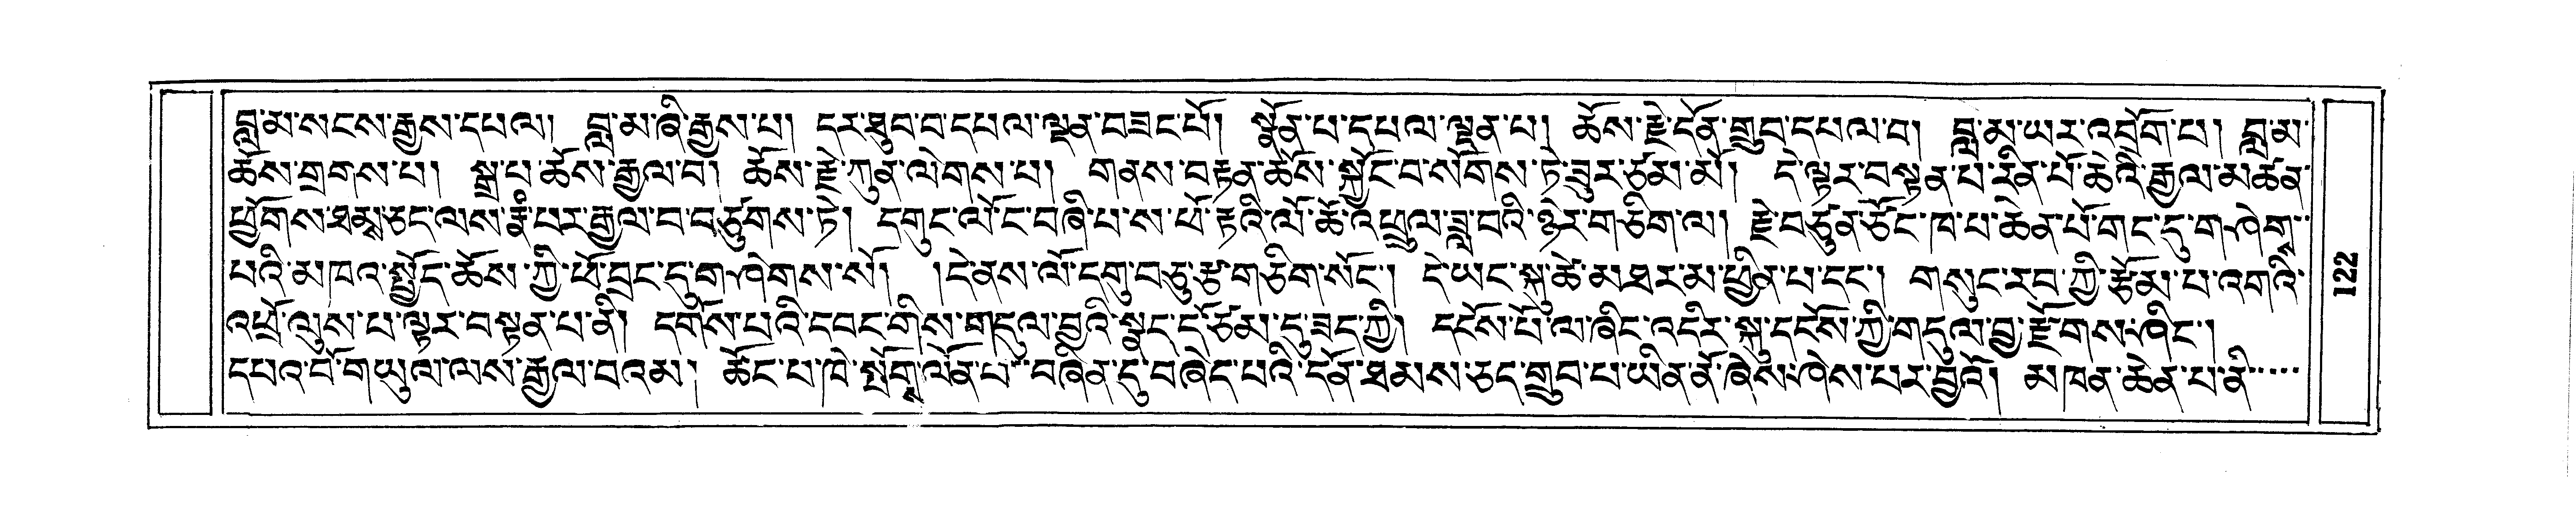བླ་མ་སངས་རྒྱས་དཔལ། བླ་མ་ཞི་རྒྱས་པ། དར་ཐུབ་བ་དཔལ་ལྡན་བཟང་པོ། སྣོན་པ་དཔལ་ལྡན་པ། ཆོས་རྗེ་དོན་གྲུབ་དཔལ་བ། བླ་མ་ཡར་འབྲོག་པ། བླ་མ་
ཆོས་གྲགས་པ། སྒྲ་པ་ཆོས་རྒྱལ་བ། ཆོས་རྗེ་ཀུན་ལེགས་པ། གནས་བརྟན་ཆོས་སྐྱོང་བ་སོགས་ཏེ་ཟུར་ཙམ་མོ། དེ་ལྟར་བསྟན་པ་རིན་པོ་ཆེའི་རྒྱལ་མཚན་
ཕྱོགས་ཐམས་ཅད་ལས་རྣཾ་པར་རྒྱལ་བ་བཙུགས་ཏེ། དགུང་ལོ་ང་བཞི་པ་ས་ཕོ་རྟའི་ལོ་ཆོ་འཕྲུལ་ཟླ་བའི་ཉེར་གཅིག་ལ། རྗེ་བཙུན་ཙོང་ཁ་པ་ཆེན་པོ་གང་དུ་གཤེགས་
པའི་མཁའ་སྤྱོད་ཆོས་ཀྱི་ཕོ་བྲང་དུ་གཤེགས་སོ། །དེ་ནས་ལོ་དགུ་བཅུ་རྩ་གཅིག་སོང་། དེ་ཡང་སྐུ་ཚེ་མཐར་མ་ཕྱིན་པ་དང་། གསུང་རབ་ཀྱི་རྩོམ་པ་འགའི་
འཕྲོ་ལུས་པ་ལྟར་བསྟན་པ་ནི། དགོས་པའི་དབང་གིས་གདུལ་བྱའི་སྣད་དོ་ཙམ་དུ་ཟད་ཀྱི། དངོས་པོ་ལ་ཞིང་འདིར་སྐུ་དངོས་ཀྱི་གདུལ་བྱ་རྫོགས་ཤིང་།
དཔའ་བོ་གཡུལ་ལས་རྒྱལ་བའམ། ཚོང་པ་ཁེ་སྤོགས་ལོན་པ་བཞིན་དུ་བཞེད་པའི་དོན་ཐམས་ཅད་གྲུབ་པ་ཡིན་ནོ་ཞེས་ཤེས་པར་བྱའོ། མཁན་ཆེན་པ་ནི་